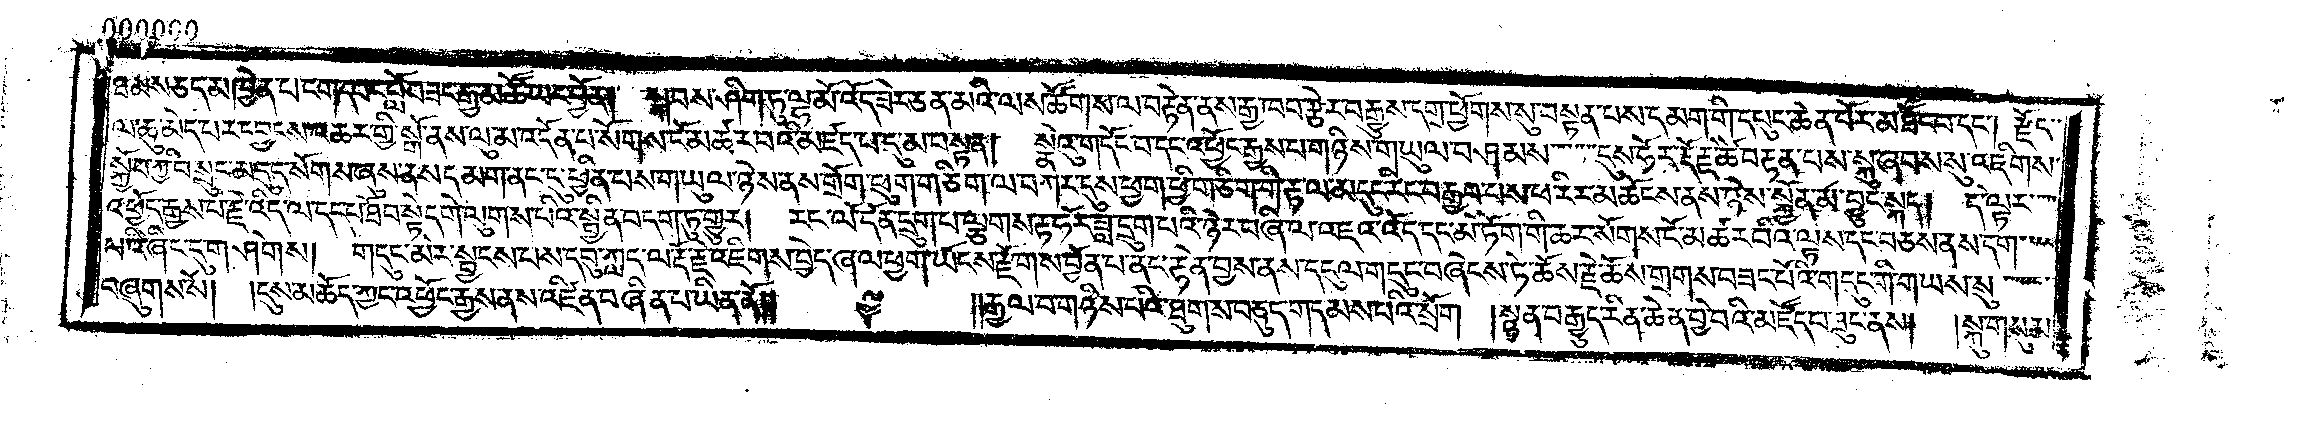ཐམས་ཅད་མཁྱེན་པ་ངག་དབང་བློ་བཟང་རྒྱ་མཚོ་ཡང་བྱོན། སྐབས་ཤིག་ཏུ་ལྷ་མོ་འོད་ཟེར་ཅན་མའི་ལས་ཚོགས་ལ་བརྟེན་ནས་རྒྱ་ཁབ་རྩེར་བརྒྱུས་དགྲ་ཕྱོགས་སུ་བསྟན་པས་དམག་གི་དཔུང་ཆེན་པོར་མཐོང་བ་དང་། རྫོང་
ལ་ཆུ་མེད་པར་དབྱངས་འཆར་གྱི་སྒོ་ནས་ལུ་མ་འདོན་པ་སོགས་ངོ་མཚར་བའི་མཛད་པ་དུ་མ་བསྟན། སྣེའུ་གདོང་བ་དང་འཕྱོང་རྒྱས་པ་གཉིས་གཡུལ་བཤམས་དུས་ཧོར་རྡོ་རྗེ་ཚཻ་བརྟན་པས་སྐུ་ཞབས་སུ་འཇིགས་
སྐྱོབ་ཀྱི་བསྲུང་མདུད་སོགས་ཞུས་ནས་དམག་ནང་དུ་ཕྱིན་པ་གཡུལ་ཉེས་ནས་གྲོག་ཕུག་གཅིག་ལ་བཀར་དུས་ཕྱག་ཕྱི་གཅིག་གི་རྟ་ལ་མདུང་རིང་བརྒྱབ་བས་ཕ་རིར་མཆོངས་ནས་ཉེས་སྐྱོན་མ་བྱུང་སྐད། དེ་ལྟར་
འཕྱོང་རྒྱས་བ་རྗེ་འདི་ལ་དང་པོ་ཐབ་སྟེ་དགེ་ལུགས་པའི་སྦྱིན་བདག་ཏུ་གྱུར། རང་ལོ་དོན་དྲུག་པ་ལྕགས་རྟ་ཧོར་ཟླ་དྲུག་པའི་ཉེར་བཞི་ལ་འཇའ་འོད་དང་མེ་ཏོག་གི་ཆར་སོགས་ངོ་མཚར་བའི་ལྟས་དང་བཅས་ནས་དག་
པའི་ཞིང་དུ་གཤེགས། གདུང་མེར་སྦྱངས་པས་དབུ་ཀླད་ལ་རྡོ་རྗེ་འཇིགས་བྱེད་ཞལ་ཕྱག་ཡོངས་རྫོགས་བྱོན་པ་ནང་རྟེན་བྱས་ནས་དངུལ་གདུང་བཞེངས་ཏེ་ཆོས་རྗེ་ཆོས་གྲགས་བཟང་པོའི་གདུང་གི་གཡས་སུ་
བཞུགས་སོ། །དུས་མཆོད་ཀྱང་འཕྱོང་རྒྱས་ནས་འཛིན་བཞིན་པ་ཡིན་ནོ།། ༈ །།རྒྱལ་བ་གཉིས་པའི་ཐུགས་བཅུད་གདམས་པའི་སྲོག །སྙན་བརྒྱུད་རིན་ཆེན་བྱེ་བའི་མཛོད་བཟུང་ནས། །སྐུ་གསུམ་